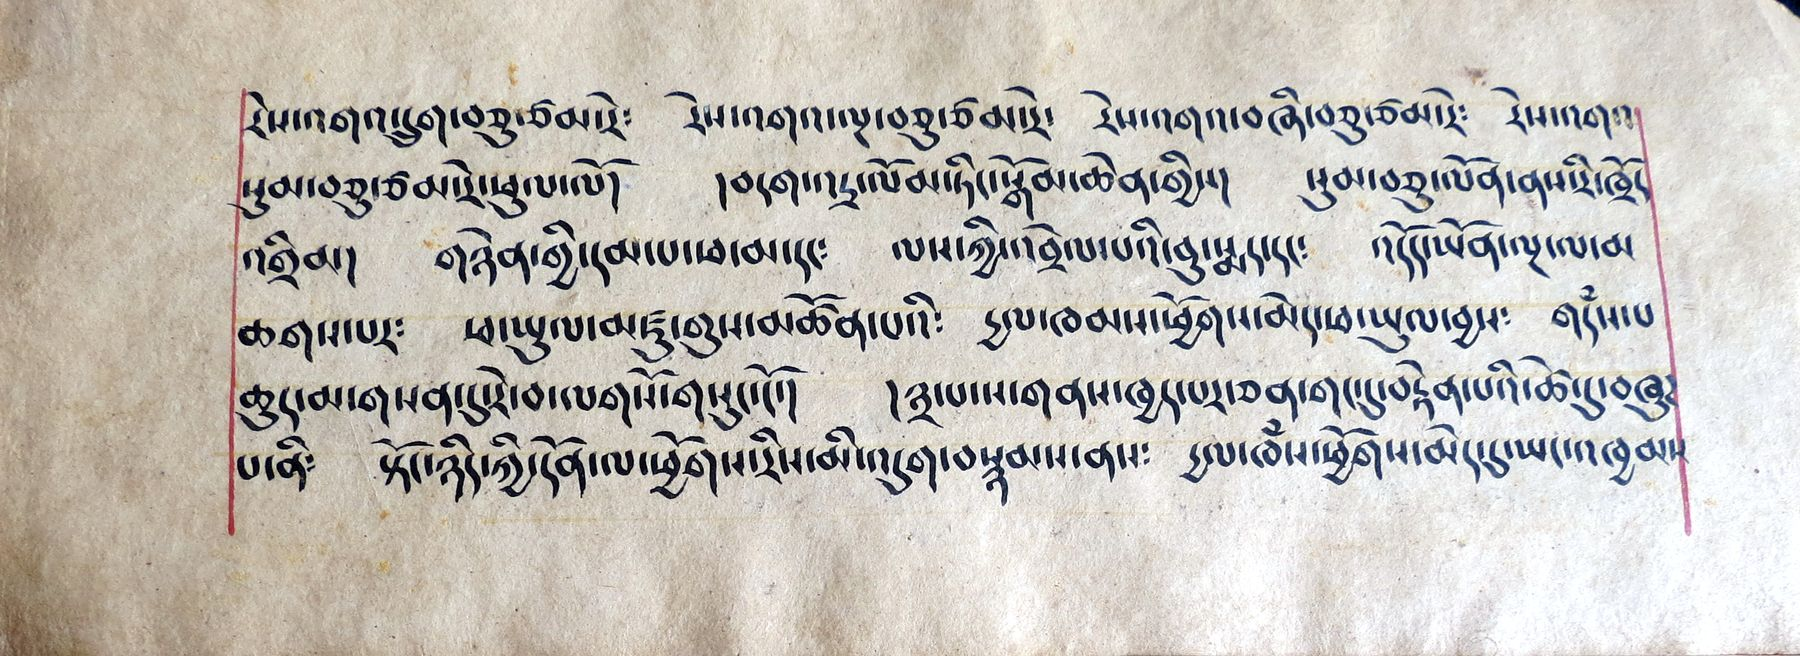རེས་འགའ་དྲུག་ཅུ་ཙམ་རེ། རེས་འགའ་ལྔ་བཅུ་ཙམ་རེ། རེ་འགའ་བཞི་བཅུ་ཙམ་རེ། རེས་འགའ་
སུམ་ཅུ་ཙམ་རེ་ཕུལ་ལོ། །བདག་འདྲ་ལོམ་ཏིང་སྒོམ་ཆེན་གྱིས། སུམ་ཅུ་ལོན་ནས་རི་ཁྲོད་
འགྲིམས། གཉེན་གྱི་དམ་པ་ཕ་མ་དང་། ལས་ཀྱིས་འབྲེལ་བའི་བུ་སྨད་དང་། འདོད་ཡོན་ལྔ་ལ་མ་
ཆགས་པར། ཕ་ཡུལ་འཛུག་གུས་མཚོན་པའི། རྒྱལ་ཁམས་ཕྱོགས་མེད་ཕ་ཡུལ་བྱས། གདམས་པ་
ཆུད་མ་གསན་དུ་རེ་བ་ལགས་སོ། །གསུམ་པ་ས་གནས་ཁྱད་པར་ཅན་གང་དུ་བརྟེན་པའི་ཚེ་དུ་བཞུགས་
པ་ནི། སྟོང་ཉིད་ཀྱི་དོན་ལ་ཕྱོགས་རིས་མི་འདུག་སྙམ་ནས། རྒྱལ་ཁམས་ཕྱོགས་མེད་དུ་ཡང་འཁྱམས་